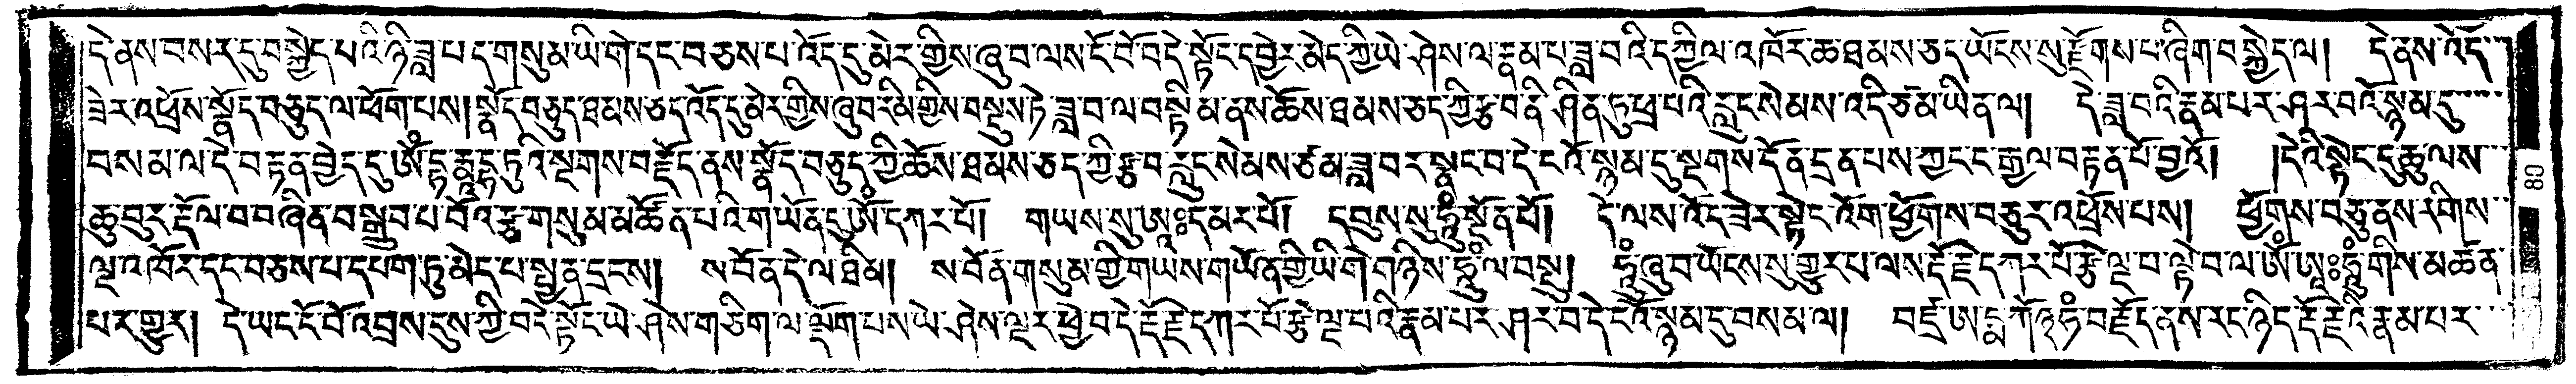དེ་ནས་བསར་དུ་བསྐྱེད་པའི་ཉི་ཟླ་པད་གསུམ་ཡི་གེ་དང་བཅས་པ་འོད་དུ་མེར་གྱིས་ཞུ་བ་ལས་ངོ་བོ་བདེ་སྟོང་དབྱེར་མེད་ཀྱི་ཡེ་ཤེས་ལ་རྣམ་པ་ཟླ་བའི་དཀྱིལ་འཁོར་ཆ་ཐམས་ཅད་ཡོངས་སུ་རྫོགས་པ་ཞིག་བསྐྱེད་ལ། དེ་ནས་འོད་
ཟེར་འཕྲོས་སྣོད་བཅུད་ལ་ཕོག་པས། སྣོད་བཅུད་ཐམས་ཅད་འོད་དུ་མེར་གྱིས་ཞུ་བ་རིམ་གྱིས་བསྡུས་ཏེ་ཟླ་བ་ལ་བསྟིམ་ནས་ཆོས་ཐམས་ཅད་ཀྱི་རྩ་བ་ནི་ཤིན་ཏུ་ཕྲ་པའི་རླུང་སེམས་འདི་ཙམ་ཡིན་ལ། དེ་ཟླ་བའི་རྣམ་པར་ཤར་བའོ་སྙམ་དུ་
བསམ་ལ་དེ་བརྟན་བྱེད་དུ་ཨོཾ་དྷ་རྨཱ་དྷ་ཏུའི་སྔགས་བརྗོད་ནས་སྣོད་བཅུད་ཀྱི་ཆོས་ཐམས་ཅད་ཀྱི་རྩ་བ་རླུང་སེམས་ཙམ་ཟླ་བར་སྣང་བ་དེ་ངའོ་སྙམ་དུ་སྔགས་དོན་དྲན་པས་ཀྱང་ང་རྒྱལ་བརྟན་པོ་བྱའོ། །དེའི་སྟེང་དུ་ཆུ་ལས་
ཆུ་བུར་རྡོལ་བ་བཞིན་བསྒྲུབ་པ་པོའི་རྩ་གསུམ་མཚོན་པའི་གཡོན་དུ་ཨོཾ་དཀར་པོ། གཡས་སུ་ཨཱཿདམར་པོ། དབུས་སུ་ཧཱུཾ་སྔོན་པོ། དེ་ལས་འོད་ཟེར་སྟེང་འོག་ཕྱོགས་བཅུར་འཕྲོས་པས། ཕྱོགས་བཅུ་ནས་རིགས་
ལྔ་འཁོར་དང་བཅས་པ་དཔག་ཏུ་མེད་པ་སྤྱན་དྲངས། ས་བོན་དེ་ལ་ཐིམ། ས་བོན་གསུམ་གྱི་གཡས་གཡོན་གྱི་ཡི་གེ་གཉིས་ཧཱུཾ་ལ་བསྡུ། ཧཱུཾ་ཞུ་བ་ཡོངས་སུ་གྱུར་པ་ལས་རྡོ་རྗེ་དཀར་པོ་རྩེ་ལྔ་པ་ལྟེ་བ་ལ་ཨོཾ་ཨཱཿཧཱུཾ་གིས་མཚན་
པར་གྱུར། དེ་ཡང་ངོ་བོ་འབྲས་དུས་ཀྱི་བདེ་སྟོང་ཡེ་ཤེས་གཅིག་ལ་ལྡོག་པས་ཡེ་ཤེས་ལྔར་ཕྱེ་བ་དེ་རྡོ་རྗེ་དཀར་པོ་རྩེ་ལྔ་པའི་རྣམ་པར་ཤར་བ་དེ་ངའོ་སྙམ་དུ་བསམ་ལ། བཛྲ་ཨདམ་ཀོཉཧཾ་བརྗོད་ནས་རང་ཉིད་རྡོ་རྗེའི་རྣམ་པར་